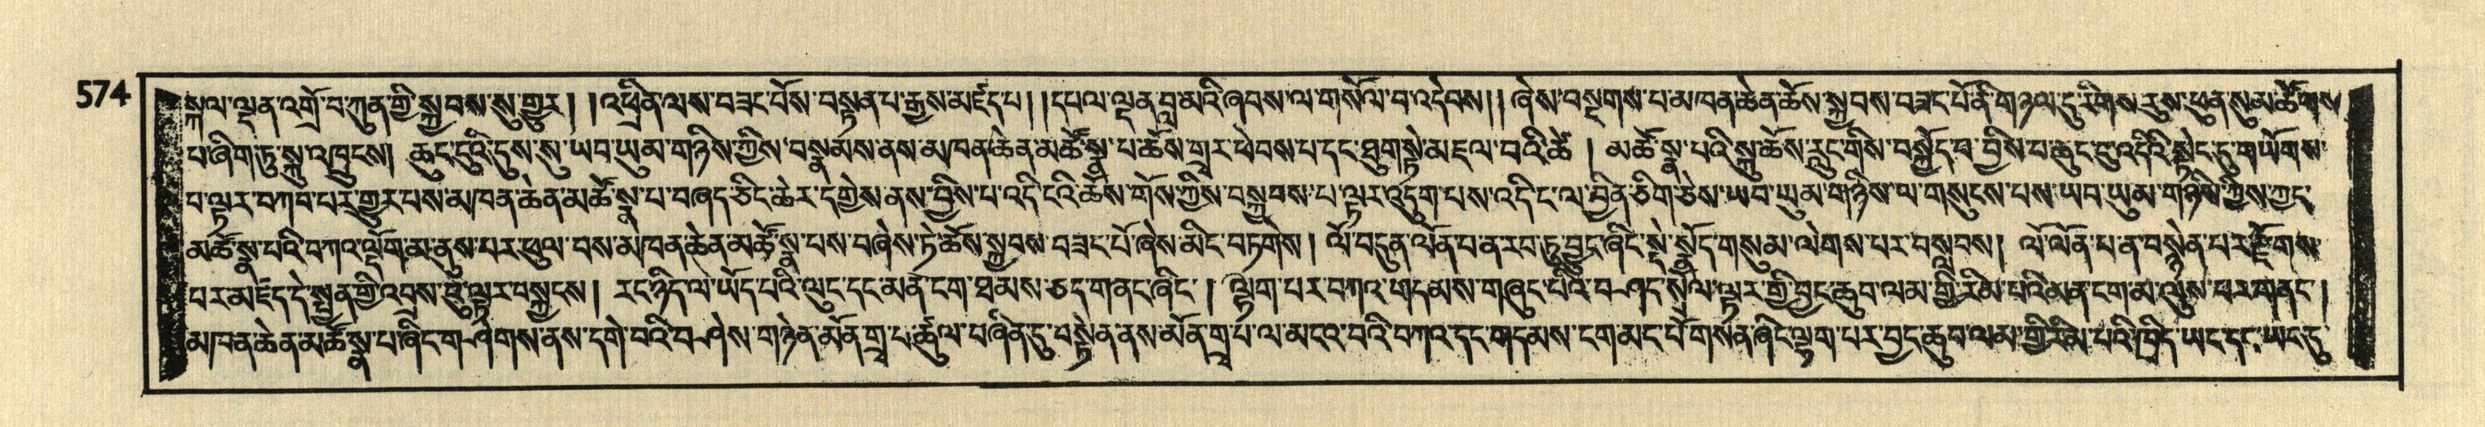སྐལ་ལྡན་འགྲོ་བ་ཀུན་གྱི་སྐྱབས་སུ་གྱུར། །འཕྲིན་ལས་བཟང་པོས་བསྟན་པ་རྒྱས་མཛད་པ། །དཔལ་ལྡན་བླ་མའི་ཞབས་ལ་གསོལ་བ་འདེབས། །ཞེས་བསྔགས་པ་མཁན་ཆེན་ཆོས་སྐྱབས་བཟང་པོ་ནི་གཉལ་དུ་རིགས་རུས་ཕུན་སུམ་ཚོགས་
པ་ཞིག་ཏུ་སྐུ་འཁྲུངས། ཆུང་ངུའི་དུས་སུ་ཡབ་ཡུམ་གཉིས་ཀྱིས་བསྣམས་ནས་མཁན་ཆེན་མཚོ་སྣ་པ་ཆོས་གྲྭར་ཕེབས་པ་དང་ཐུག་སྟེ་མཇལ་བའི་ཚེ། མཚོ་སྣ་པའི་སྐུ་ཆོས་རླུང་གིས་བསྐྱོད་བ་བྱིས་པ་ཆུང་དུ་འདིའི་སྟེང་དུ་གཡོགས་
པ་ལྟར་བཀབ་པར་གྱུར་པས་མཁན་ཆེན་མཚོ་སྣ་པ་བཞད་ཅིང་ཆེར་དགྱེས་ནས་བྱིས་པ་འདི་ངའི་ཆོས་གོས་ཀྱིས་བསྐྱབས་པ་ལྟར་འདུག་པས་འདི་ང་ལ་བྱིན་ཅིག་ཅེས་ཡབ་ཡུམ་གཉིས་ལ་གསུངས་པས་ཡབ་ཡུམ་གཉིས་ཀྱིས་ཀྱང་
མཚོ་སྣ་པའི་བཀའ་ལྡོག་མ་ནུས་པར་ཕུལ་བས་མཁན་ཆེན་མཚོ་སྣ་པས་བཞེས་ཏེ་ཆོས་སྐྱབས་བཟང་པོ་ཞེས་མིང་བཏེགས། ལོ་བདུན་ལོན་བ་ན་རབ་ཏུ་བྱུང་ཞིང་སྡེ་སྣོད་གསུམ་ལེགས་པར་བསླབས། ལོ་ལོན་པ་ན་བསྙེན་པར་རྫོགས་
པར་མཛད་དེ་སྤྱན་གྱི་འབྲས་བུ་ལྟར་བསྐྱངས། རང་ཉིད་ལ་ཡོད་པའི་ལུང་དང་མན་ངག་ཐམས་ཅད་གནང་ཞིང་། ལྷག་པར་བཀའ་གདམས་གཞུང་པའི་བཤད་སྲོལ་ལྟར་གྱི་བྱང་ཆུབ་ལམ་གྱི་རིམ་པའི་མན་ངག་མ་ལུས་པར་གནང་།
མཁན་ཆེན་མཚོ་སྣ་པ་ཞིང་གཤེགས་ནས་དགེ་བའི་བཤེས་གཉེན་མོན་གྲྭ་པ་ཚུལ་བཞིན་དུ་བསྟེན་ནས་མོན་གྲྭ་པ་ལ་མངའ་བའི་བཀའ་དང་གདམས་ངག་མང་པོ་གསན་ཞིང་ལྷག་པར་བྱང་ཆུབ་ལམ་གྱི་རིམ་པའི་ཁྲིད་ཡང་དང་ཡང་དུ་